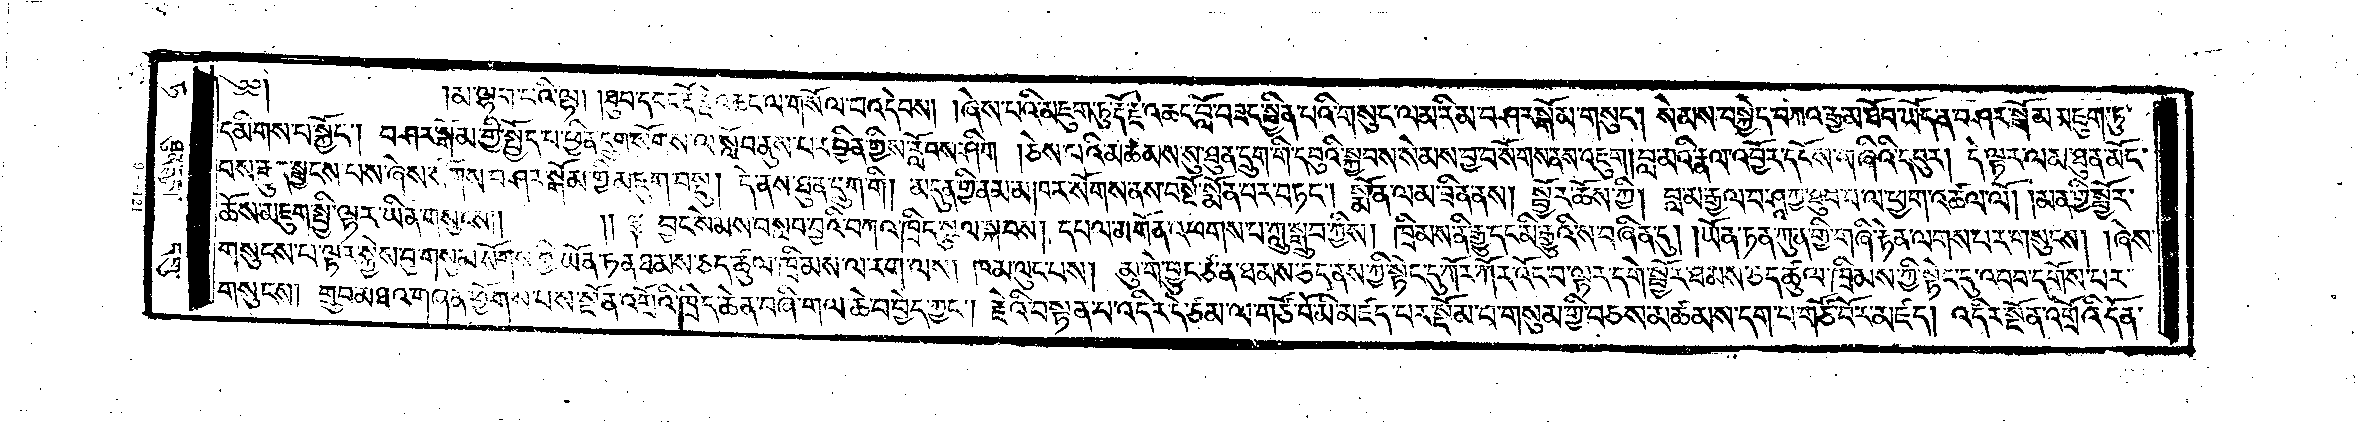༄༅། །མ་ལྷག་པའི་ལྷ། །ཐུབ་དབང་རྡོ་རྗེ་འཆང་ལ་གསོལ་བ་འདེབས། །ཞེས་པའི་མཇུག་ཏུ་རྡོ་རྗེ་འཆང་བློ་བཟང་སྦྱིན་པའི་གསུང་ལམ་རིམ་བཤར་སྒོམ་གསུང་། སེམས་བསྐྱེད་བཀའ་རྒྱ་མ་ཐོབ་ཡོད་ན་བཤར་སྒོམ་མཇུག་ཏུ་
དམིགས་པ་སྐྱོང་། བཤར་སྒོམ་གྱི་སྤྱོད་པ་ཕྱིན་དྲུག་སོགས་ལ་སློབ་ནུས་པར་བྱིན་གྱིས་རློབས་ཤིག །ཅེས་པའི་མཚམས་སུ་ཐུན་དྲུག་གི་དབུའི་སྐྱབས་སེམས་བྱ་བ་སོགས་ནས་འཇུག །བླ་མའི་རྣལ་འབྱོར་དངོས་གཞིའི་དབུར། དེ་ལྟར་ལམ་ཐུན་མོང་
བས་རྒྱུད་སྦྱངས་པས་ཞེས་སོགས་བཤར་སྒོམ་གྱི་མཇུག་པ་སྡུ། དེ་ནས་ཐུན་དྲུག་གི །མདུན་གྱི་ནམ་མཁར་སོགས་ནས་བསྔོ་སྨོན་བར་བཏང་། སྨོན་ལམ་ཟིན་ནས། སྦྱོར་ཆོས་ཀྱི། བླ་མ་རྒྱལ་བ་ཤཱཀྱ་ཐུབ་པ་ལ་ཕྱག་འཚལ་ལོ། །མན་གྱི་སྦྱོར་
ཆོས་མཇུག་སྤྱི་ལྟར་ཡིན་གསུངས།། །། ༈ བྱང་སེམས་བསླབ་བྱའི་བཀའ་ཁྲིད་སྩལ་སྐབས། །དཔལ་མགོན་འཕགས་པ་ཀླུ་སྒྲུབ་ཀྱིས། ཁྲིམས་ནི་རྒྱུ་དང་མི་རྒྱུའི་ས་བཞིན་དུ། །ཡོན་ཏན་ཀུན་གྱི་གཞི་རྟེན་ལགས་པར་གསུངས། །ཞེས་
གསུངས་པ་ལྟར་སྐྱེས་བུ་གསུམ་སོགས་ཀྱི་ཡོན་ཏན་ཐམས་ཅད་ཚུལ་ཁྲིམས་ལ་རག་ལས། ཁམ་ལུང་པས། མུ་གེ་བྱུང་ཙ་ན་ཐམས་ཅད་ནས་ཀྱི་སྟེང་དུ་ཀོར་ཀོར་འོང་བ་ལྟར་དགེ་སྦྱོར་ཐམས་ཅད་ཚུལ་ཁྲིམས་ཀྱི་སྟེང་དུ་འབབ་དགོས་པར་
གསུངས། གྲུབ་མཐའ་གཞན་ཕྱོགས་པས་སྔོན་འགྲོའི་ཁྲིད་ཆེན་བཞི་གལ་ཆེ་བ་བྱེད་ཀྱང་། རྗེའི་བསྟན་པ་འདིར་དེ་ཙམ་ལ་གཙོ་བོ་མི་མཛད་པར་སྔོམ་པ་གསུམ་གྱི་བཅས་མཚམས་དག་པ་གཙོ་བོར་མཛད། འདིར་སྔོན་འགྲོའི་དོན་